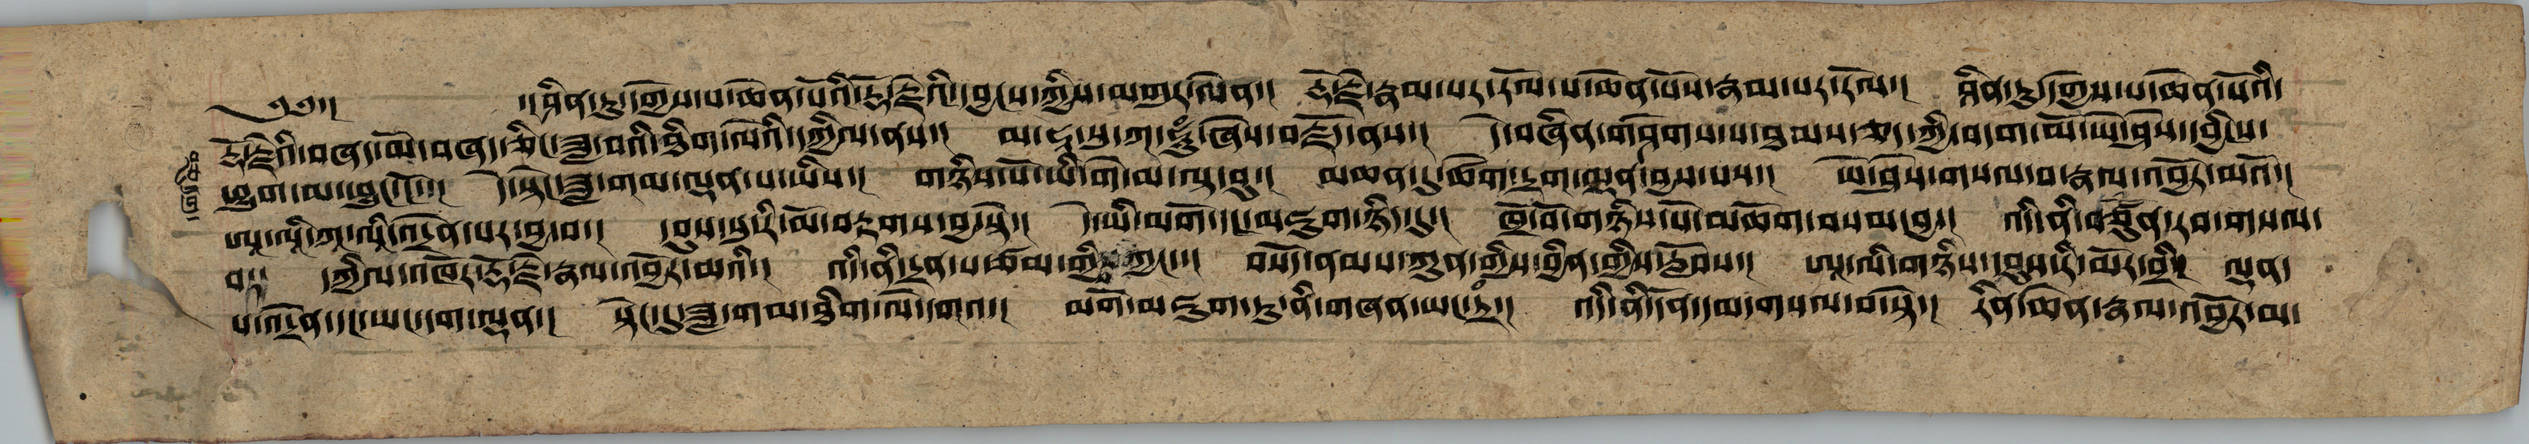༄༅་། ་།ཤིན་ཏུ་དགྱེས་པ་ཆེན་པོའི་རྡོ་རྗེའི་དབྱངས་ཀྱིས་མགུར་ལེན་། རྡོ་རྗེ་རྣམ་པར་རོལ་པ་ཆེན་པོས་རྣམ་པར་རོལ་། ཤིན་ཏུ་དགྱེས་པ་ཆེན་པོའི་
རྡོ་རྗེའི་བཞད་མོ་བཞད་ཅིང་ཟླ་བའི་ཐིག་ལེའི་དཀྱིལ་ནས་། མ་ཧཱ་སུ་ཀ་ཧཱུཾ་ཞེས་བརྗོད་ནས་། དེ་བཞིན་གཤེགས་པ་ཐམས་ཅད་ཀྱི་བདག་མོ་ཡེ་ཤེས་དབྱིངས་
ཕྱུག་མ་ཕྱུང་ངོ་་། དེ་སྟེང་ཟླ་གམ་ལྡན་པ་ཡིས་། གཉིས་པོ་ཡི་གེ་མ་ལྟ་བུ་། མཆན་དུ་ཚེག་དྲག་ལྡན་བྱས་པས་། ཡེ་ཤེས་གསལ་བ་རྣལ་འབྱོར་མའོ་།
ཨཱ་ལཱི་ཀཱ་ལཱི་འདྲེན་པར་བྱ་བ་། དབུས་སུ་རི་མོ་བརྟགས་བྱ་སྟེ་། དེ་ཡི་མགོ་དང་མཇུག་ཉིད་དུ་། ཁྲོ་བོ་གཉིས་པོ་མཆོག་བསམ་བྱ་། འདི་ནི་བཙུན་རབ་གསལ་
བ༑ དཀྱིལ་འཁོར་རྗོ་རྗེ་རྣལ་འབྱོར་མའི་། འདི་ནི་དྲན་པ་ཙམ་གྱིས་ཀྱང་་། བསོད་ནམས་ཀུན་གྱིས་བྱིན་གྱིས་རློབས་། ཨཱ་ལི་གཉིས་དབུས་རི་མོར་བྲིས་། ལྡན་
པ་འདྲེན་དང་ཡང་དག་ལྡན་། སྟེང་དུ་ཟླ་གམ་ཐིག་ལེ་དགའ་། མགོ་མཇུག་ཏུ་ནི་གཞན་ཡང་ཏྲ་། འདི་ནི་དོན་དམ་གསལ་བ་སྟེ་། རིན་ཆེན་རྣལ་འབྱོར་མ་